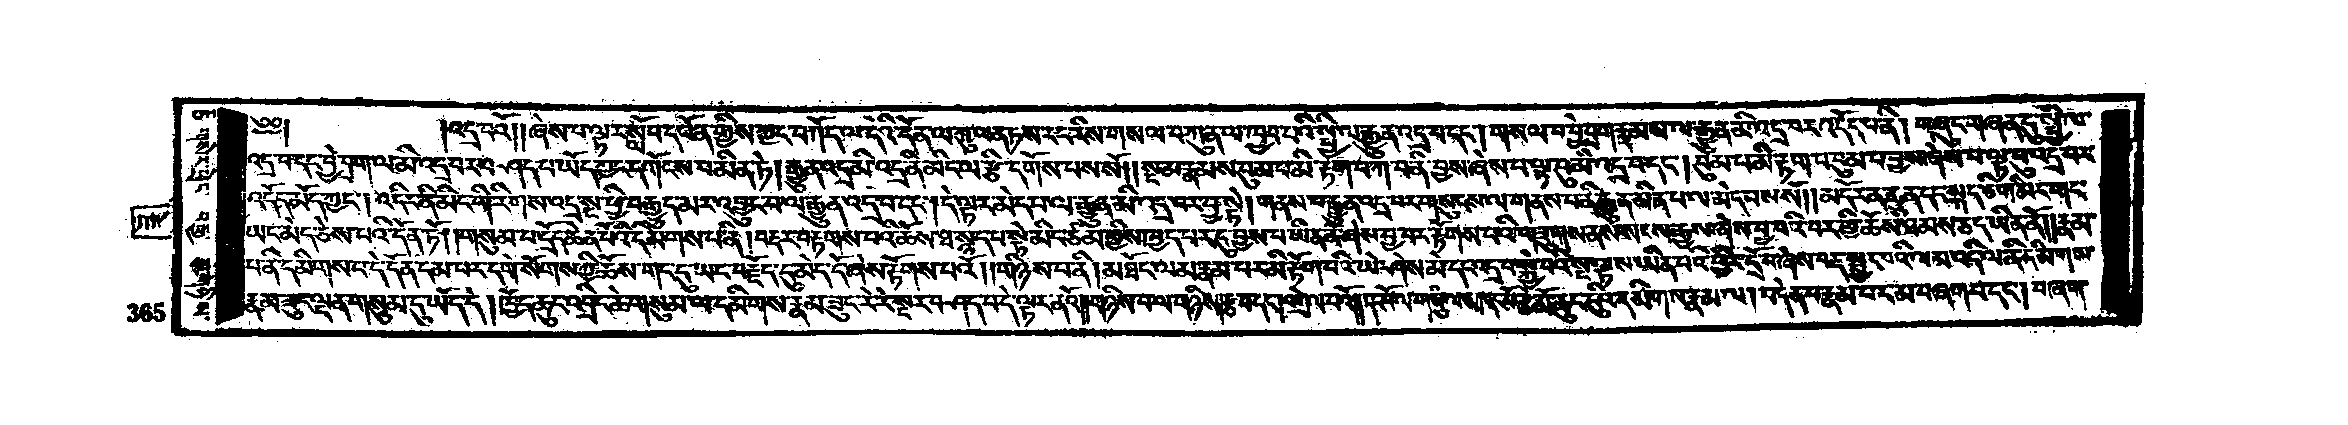༄༅། །འདྲ་བའོ། །ཞེས་པ་ལྟར་སློབ་དཔོན་གྱིས་ཀྱང་བཀོད་ལ་དེའི་དོན་ལ་ཀུ་ལན་ཏས་རང་རིས་གསལ་བ་ཀུན་ལ་ཁྱབ་པའི་སྤྱི་ལ་རྒྱུན་འདྲ་བ་དང་། གསལ་བ་བྱེ་བྲག་རྣམས་ལ་རྒྱུན་མི་འདྲ་བར་འདོད་པ་ནི། གཞུང་གཞན་དུ་སྤྱི་ལ་
འདྲ་བ་དང་བྱེ་བྲག་ལ་མི་འདྲ་བར་བཤད་པ་ཡོད་ཀྱང་དགོངས་པ་མིན་ཏེ། རྒྱུན་འདྲ་མི་འདྲ་ནི་མིང་ལ་རྩི་དགོས་པས་སོ། །སྔ་མ་རྣམས་བུམ་པ་མི་རྟག་པ་ཀ་བ་ནི་བྱས་ཞེས་པ་ལྟ་བུ་མི་འདྲ་བ་དང་། བུམ་པ་མི་རྟག་པ་བུམ་པ་བྱས་ཞེས་པ་ལྟ་བུ་འདྲ་བར་
འདོད་མོད་ཀྱང་། འདིར་ནི་མིང་གི་རིགས་འདྲ་སྔ་ཕྱི་བརྒྱུད་མར་འབྱུང་བ་ལ་རྒྱུན་འདྲ་བ་དང་། དེ་ལྟར་མེད་པ་ལ་རྒྱུན་མི་འདྲ་བར་བྱ་སྟེ། གནས་པ་རྒྱུན་འདྲ་བར་གསུངས་ལ་གནས་པ་ནི་རྒྱུན་མིན་པ་ལ་མེད་པས་སོ། །མདོར་ན་རྒྱུན་དང་སྐད་ཅིག་མིང་གང་
ཡང་མེད་ཅེས་པའི་དོན་ཏོ། །གསུམ་པ་དྲོད་ཆེན་པོའི་དམིགས་པ་ནི། བརྡར་བརྟགས་པའི་ཆོས་ཐ་སྙད་པ་སྟེ་མིང་ཙམ་གྱིས་ཁྱད་པར་དུ་བྱས་པ་ཡིན་ནོ་ཞེས་བྱ་བར་རྟོགས་པའི་གཟུགས་ནས་སངས་རྒྱས་ཞེས་བྱ་བའི་བར་གྱི་ཆོས་ཐམས་ཅད་ཡིན་ནོ། །རྣམ་
པ་ནི་དམིགས་པ་དེ་དོན་དམ་པར་དགེ་སོགས་ཀྱི་ཆོས་གང་དུ་ཡང་བརྗོད་དུ་མེད་དོ་ཞེས་རྟོགས་པའོ། །གཉིས་པ་ནི། མཐོང་ལམ་རྣམ་པར་མི་རྟོག་པའི་ཡེ་ཤེས་མེ་དང་འདྲ་བ་སྐྱེ་བའི་སྔ་ལྟས་ཡིན་པའི་ཕྱིར་དྲོ་བ་ཞེས་བརྡ་སྦྱར་བའི་ལམ་འདི་ལ་ནི་དམིགས་
རྣམ་ཟུང་ལྡན་གསུམ་དུ་ཡོད་དེ། ཁྱོད་ཆུང་འབྲིང་ཆེ་གསུམ་ལ་དམིགས་རྣམ་ཟུང་རེ་རེ་སྔར་བཤད་བདེ་ལྟར་ནའོ། །གཉིས་པ་ལ་གཉིས། རྩ་བ་དང་། འགྲེལ་པའོ། །དང་པོ་ལ་གསུམ་ལས། དང་པོ་རྩེ་མོ་ཆུང་ངུའི་དམིགས་རྣམ་ལ། བདེན་པ་རྣམ་པར་མ་བཞག་པ་དང་། བཞག་